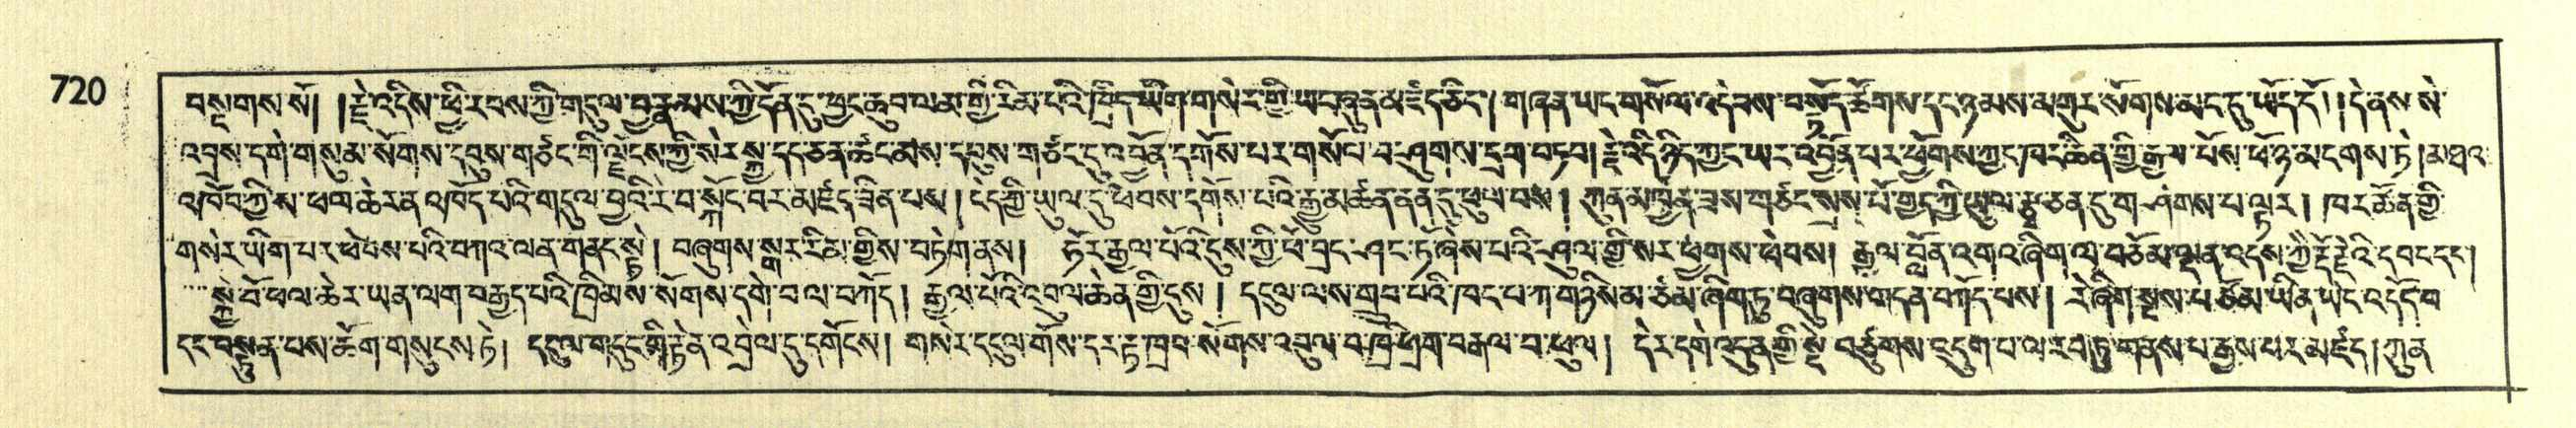བསྔགས་སོ། །རྗེ་འདིས་ཕྱི་རབས་ཀྱི་གདུལ་བྱ་རྣམས་ཀྱི་དོན་དུ་ཕྱང་ཆུབ་ལམ་གྱི་རིམ་པའི་ཁྲིད་ཡིག་གསེར་གྱི་ཡང་ཞུན་མཛད་ཅིང་། གཞན་ཡང་གསོལ་འདེབས་བསྟོད་ཚོགས་དང་ཉམས་མགུར་སོགས་མང་དུ་ཡོད་དོ། །དེ་ནས་སེ་
འབྲས་དགེ་གསུམ་སོགས་དབུས་གཙང་གི་ལྗོངས་ཀྱི་སེར་སྐྱ་དད་ཅན་ཚང་མས་དབུས་གཙང་དུ་འབྱོན་དགོས་པར་གསོལ་བ་ཤུགས་དྲག་བཏབ། རྗེ་འདི་ཉིད་ཀྱང་ཡང་འབྱོན་པར་ཕྱོགས་ཀྱང་ཁར་ཆིན་གྱི་རྒྱལ་པོས་ཕོ་ཉ་མངགས་ཏེ། མཐའ་
འཁོབ་ཀྱིས་ཕལ་ཆེར་ན་འཁོད་པའི་གདུལ་བྱའི་རེ་བ་སྐོང་བར་མཛད་ཟིན་པས། ངེད་ཀྱི་ཡུལ་དུ་ཕེབས་དགོས་པའི་རྒྱུ་མཚན་ནན་དུ་ཕུལ་བས། ཀུན་མཁྱེན་ཟས་གཙང་སྲས་པོ་གྱད་ཀྱི་ཡུལ་རྩྭ་ཅན་དུ་གཤེགས་པ་ལྟར། ཁར་ཚོན་གྱི་
གསེར་ཡིག་པར་ཕེབས་པའི་བཀའ་ལན་གནང་སྟེ། བཞུགས་སྒར་རིམ་གྱིས་བཏེག་ནས། ཧོར་རྒྱལ་པོའི་དུས་ཀྱི་ཕོ་བྲང་ཤང་ཏོ་ཞེས་པའི་ཤུལ་གྱི་སར་ཕྱགས་ཕེབས། རྒྱལ་བློན་འགའ་ཞིག་ལ་བཅོམ་ལྡན་འདས་ཀྱཻ་རྡོ་རྗེའི་དབང་དང་།
སྐྱེ་བོ་ཕལ་ཆེར་ཡན་ལག་བརྒྱད་པའི་ཁྲིམས་སོགས་དགེ་བ་ལ་བཀོད། རྒྱལ་པོའི་འབུལ་ཆེན་གྱི་དུས། དངུལ་ལས་གྲུབ་པའི་ཁང་པ་ཀ་གཉིས་མ་ཙམ་ཞིག་ཏུ་བཞུགས་གདན་བཀོད་པས། རེ་ཞིག་སྔས་པ་ནྩམ་ཡིན་ཡང་འདོད་བ་
དང་བསྟུན་པས་ཆོག་གསུངས་ཏེ། དངུལ་གདུང་གི་རྟེན་འབྲེལ་དུ་དགོངས། གསེར་དངུལ་གོས་དར་རྟ་ཁྲབ་སོགས་འབུལ་བ་ཁྲི་ཕྲག་བརྒལ་བ་ཕུལ། དེར་དགེ་འདུན་གྱི་སྡེ་བཙུགས་འདུག་པ་ལ་རབ་ཏུ་གནས་པ་རྒྱས་པར་མཛད། ཀུན་